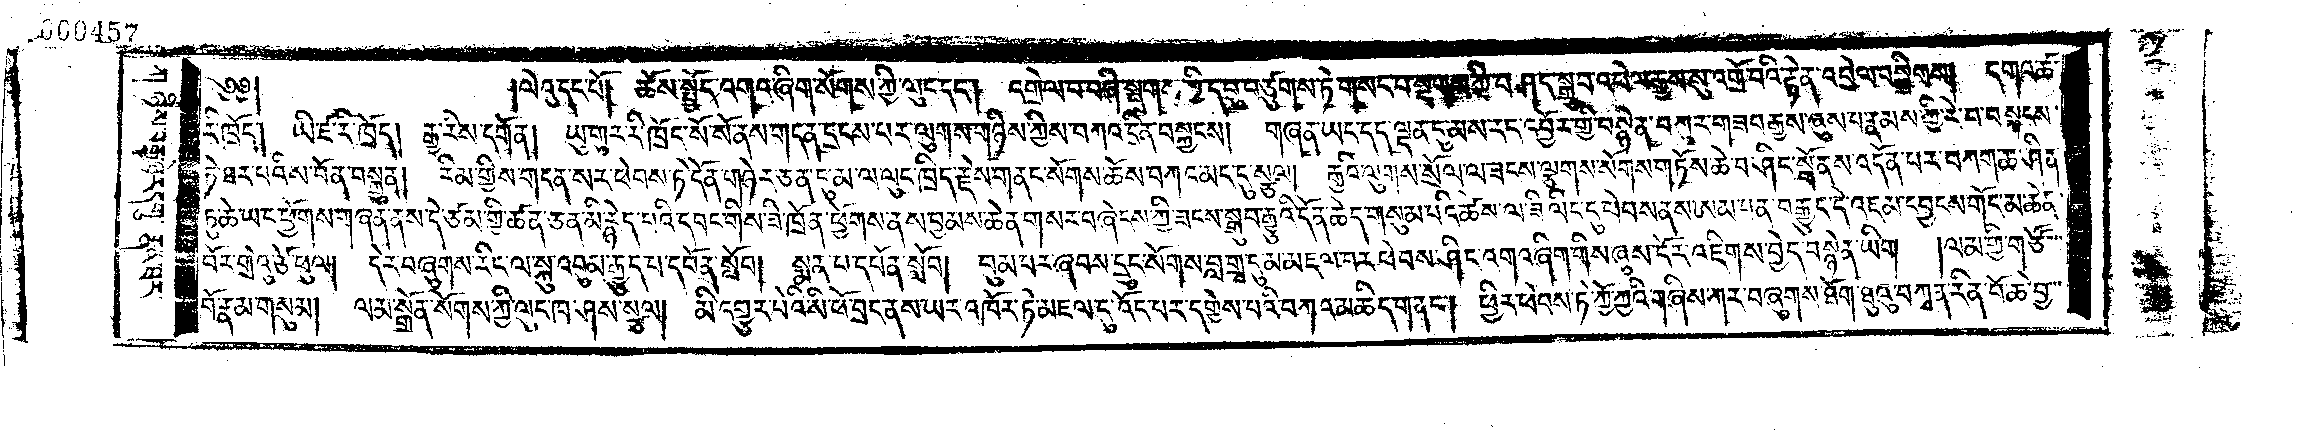༄༅། །ལེའུ་དང་པོ། ཆོས་སྤྱོད་འགའ་ཞིག་སོགས་ཀྱི་ལུང་དང་། འགྲེལ་པ་བཞི་སྦྲགས་ཀྱི་དབུ་བཙུགས་ཏེ་གསང་བ་སྔགས་ཀྱི་བཤད་སྒྲུབ་འཕེལ་རྒྱས་སུ་འགྲོ་བའི་རྟེན་འབྲེལ་བསྒྲིགས། དགའ་ཚ་
རི་ཁྲོད། ཡི་ཛ་རི་ཁྲོད། རྒྱ་རིས་དགོན། ཡུ་གུར་རི་ཁྲོད་སོ་སོ་ནས་གདན་དྲངས་པར་ལུགས་གཉིས་ཀྱིས་བཀའ་དྲིན་བསྐྱངས། གཞན་ཡང་དད་ལྡན་དུ་མས་རང་འབྱོར་གྱི་བསྙེན་བཀུར་གཟབ་རྒྱས་ཞུས་པ་རྣམས་ཀྱི་རེ་བ་བསྐངས་
ཏེ་ཐར་པའི་ས་བོན་བསྐྲུན། རིམ་གྱིས་གདན་སར་ཕེབས་ཏེ་དོན་གཉེར་ཅན་དུ་མ་ལ་ལུང་ཁྲིད་རྗེས་གནང་སོགས་ཆོས་བཀའ་མང་དུ་སྩལ། རྒྱའི་ལུགས་སྲོལ་ལ་ཟངས་ལྕགས་སོགས་གཏོས་ཆེ་བ་ཤིང་སྒོ་ནས་འདོན་པར་བཀག་ཆ་ཤིན་
ཏུ་ཆེ་ཡང་ཕྱོགས་གཞན་ནས་དེ་ཙམ་གྱི་ཚན་ཅན་མི་རྙེད་པའི་དབང་གིས་ཟི་ཁྲོན་ཕྱོགས་ནས་བྱམས་ཆེན་གསར་བཞེངས་ཀྱི་ཟངས་སྒྲུབ་རྒྱུའི་དོན་ཆེད་གསུམ་པའི་ཚེས་ལ་ཟི་ལིང་དུ་ཕེབས་ནས་ཨམ་བན་བརྒྱུད་དེ་འཇམ་དབྱངས་གོང་མ་ཆེན་
པོར་གྲེའུ་ཙེ་ཕུལ། དེར་བཞུགས་རིང་ལ་སྐུ་འབུམ་རྒྱུད་པ་དཔོན་སློབ། སྨན་པ་དཔོན་སློབ། བུམ་པར་ཞབས་དྲུང་སོགས་བླ་གྲྭ་དུ་མ་མཇལ་བར་ཕེབས་ཤིང་འགའ་ཞིག་གིས་ཞུས་ངོར་འཇིགས་བྱེད་བསྙེན་ཡིག །ལམ་གྱི་གཙོ་
བོ་རྣམ་གསུམ། ལམ་སྒྲོན་སོགས་ཀྱི་ལུང་ཁ་ཤས་སྩལ། མི་འགྱུར་པེའི་སི་ཕོ་བྲང་ནས་ཡར་འཁོར་ཏེ་མཇལ་དུ་འོང་བར་དགྱེས་པའི་བཀའ་མཆིད་གནང་། ཕྱིར་ཕེབས་ཏེ་ཀྱོ་ཀྱའི་གཞིས་ཀར་བཞུགས་ཐོག་ཐུའུ་བཀྭན་རིན་པོ་ཆེ་བྱ་